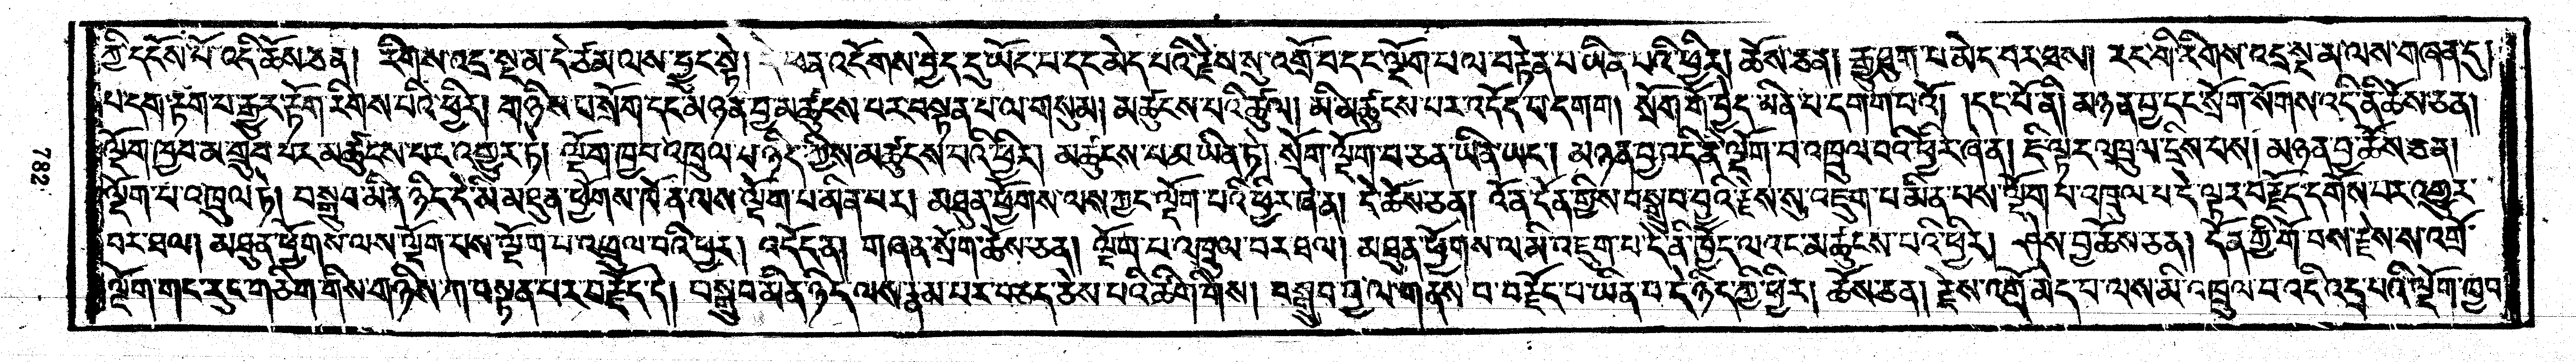ཀྱི་དངོས་པོ་འདི་ཆོས་ཅན། རིགས་འདྲ་སྔ་མ་དེ་ཙམ་ལས་བྱུང་སྟེ། དེ་ཕན་འདོགས་བྱེད་དུ་ཡོང་པ་དང་མེད་པའི་རྗེས་སུ་འགྲོ་བ་དང་ལྡོག་པ་ལ་བརྟེན་པ་ཡིན་པའི་ཕྱིར། ཆོས་ཅན། རྒྱུ་ཐུག་པ་མེད་བར་ཐས། རང་གི་རིགས་འདྲ་སྔ་མ་ལས་གཞན་དུ།
པ་དག་རྟག་པ་རྒྱུར་རྟོག་རིགས་པའི་ཕྱིར། གཉིས་པ་སྲོག་དང་མཉན་བྱ་མཚུངས་པར་བསྟན་པ་ལ་གསུམ། མཚུངས་པའི་ཚུལ། མི་མཚུངས་པར་འདོད་པ་དགག། སྲོག་གོ་བྱེད་མིན་པ་དགག་པའོ། །དང་པོ་ནི། མཉན་བྱ་དང་སྲོག་སོགས་འདི་ནི་ཆོས་ཅན།
ལྡོག་ཁྱབ་མ་གྲུབ་པར་མཚུངས་པར་འགྱུར་ཏེ། ལྡོག་ཁྱབ་འཁྲུལ་པ་ཉིད་ཀྱིས་མཚུངས་པའི་ཕྱིར། མཚུངས་པ་མ་ཡིན་ཏེ། སྲོག་ལྡོག་བ་ཅན་ཡིན་ཡང་། མཉན་བྱ་འདི་ནི་ལྡོག་བ་འཁྲུལ་བའི་ཕྱིར་ཞེ་ན། ཇི་ལྟར་འཁྲུལ་དྲིས་པས། མཉན་བྱ་ཆོས་ཅན།
ལྡོག་པ་འཁྲུལ་ཏེ། བསྒྲུབ་མིན་ཉིད་དེ་མི་མཐུན་ཕྱོགས་ཁོ་ན་ལས་ལྡོག་པ་མིན་པར། མཐུན་ཕྱོགས་ལས་ཀྱང་ལྡོག་པའི་ཕྱིར་ཞེ་ན། དེ་ཆོས་ཅན། འོ་ན་དོན་གྱིས་བསྒྲུབ་བྱའི་རྗེས་སུ་འཇུག་པ་མིན་པས་ལྡོག་པ་འཁྲུལ་པ་དེ་ལྟར་བརྗོད་དགོས་པར་འགྱུར་
བར་ཐལ། མཐུན་ཕྱོགས་ལས་ལྡོག་པས་ལྡོག་པ་འཕྲུལ་བའི་ཕྱར། འདོད་ན། གཞན་སྲོག་ཆོས་ཅན། ལྡོག་པ་འཁྲུལ་བར་ཐལ། མཐུན་ཕྱོགས་ལ་མི་འཇུག་པ་དེ་ནི་ཁྱོད་ལའང་མཚུངས་པའི་ཕྱིར། ཤེས་བྱ་ཆོས་ཅན། དོན་གྱི་གོ་བས་རྗེས་ས་འགྲོ་
ལྡོག་གང་རུང་གཅིག་གིས་གཉིས་ཀ་བསྟན་པར་བརྗོད་དེ། བསྒྲུབ་མིན་ཉིད་ལས་རྣམ་པར་བཅད་ཅེས་པའི་ཚིག་གིས། བསྒྲུབ་བྱ་ལ་གནས་བ་བརྗོད་པ་ཡིན་བ་དེ་ཉིད་ཀྱི་ཕྱིར། ཆོས་ཅན། རྗེས་འགྲོ་མེད་པ་ལས་མི་འཁྲུལ་བ་འདི་འདྲ་པའི་ལྡོག་ཁྱབ་